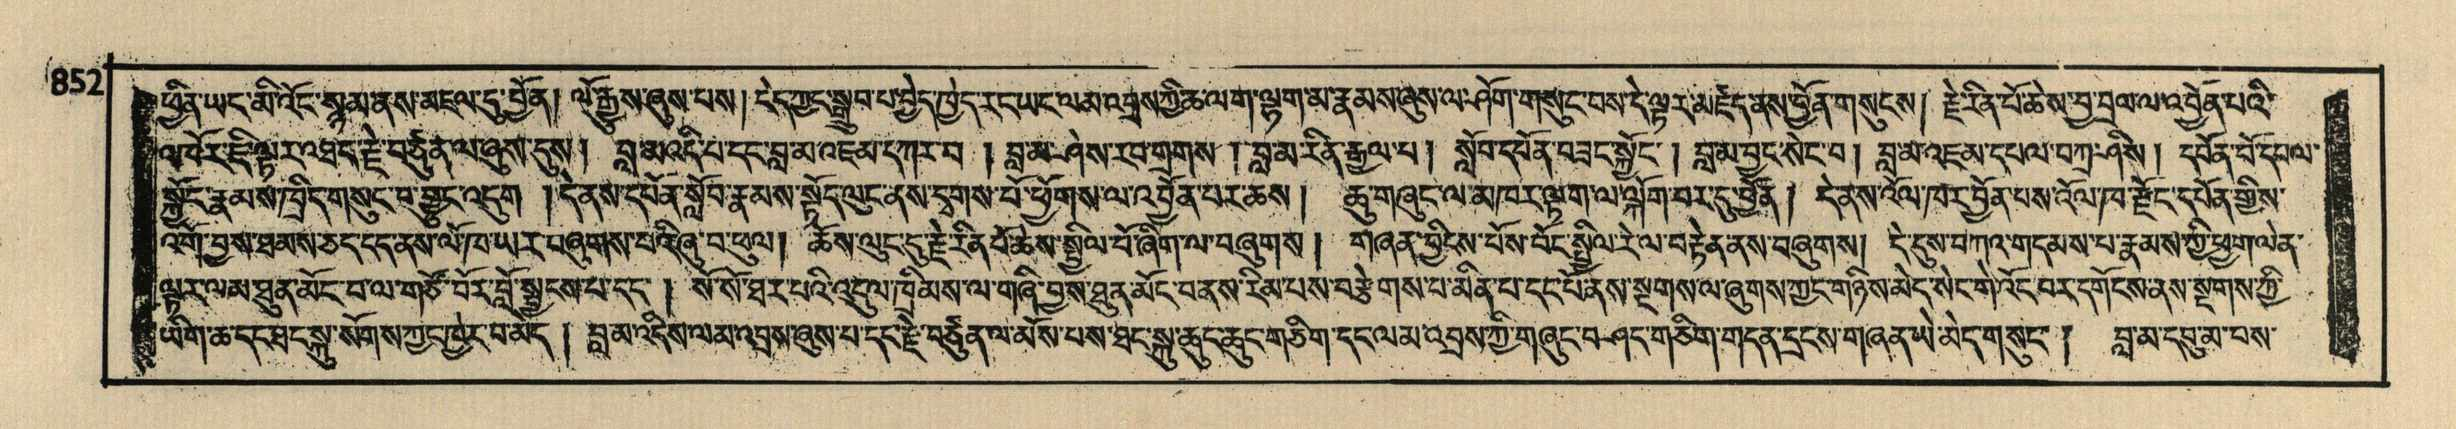ཕྱིན་ཡང་མི་འོང་སྙམ་ནས་མཇལ་དུ་བྱོན། ལོ་རྒྱུས་ཞུས་པས། ངེད་ཀྱང་སྒྲུབ་པ་བྱེད་ཁྱེད་རང་ཡང་ལམ་འབྲས་ཀྱི་ཆ་ལག་ལྷག་མ་རྣམས་ཞུས་ལ་ཤོག་གསུང་བས་དེ་ལྟར་མཛད་ནས་བྱོན་གསུངས། རྗེ་རིན་པོ་ཆེས་བྱ་བྲལ་ལ་འབྱོན་པའི་
འཁོར་ཇི་ལྟར་འཐང་རྗེ་བཙུན་ལ་ཞུས་དུས། བླ་མ་འདི་པ་དང་བླ་མ་འཇམ་དཀར་བ། བླ་མ་ཤེས་རབ་གྲགས། བླ་མ་རིན་རྒྱལ་པ། སློབ་དཔོན་བཟང་སྐྱོང་། བླ་མ་བྱང་སེང་བ། བླ་མ་འཇམ་དཔལ་བཀྲ་ཤིས། དཔོན་པོ་དཔལ་
སྐྱོང་རྣམས་ཁྲིད་གསུང་བ་བྱུང་འདུག །དེ་ནས་དཔོན་སློབ་རྣམས་སྟོད་ལུང་ནས་དྭགས་པོ་ཕྱོགས་ལ་འབྱོར་པར་ཆས། ཆུ་གཞུང་ལ་མཁར་ལྟག་ལ་ལྐོག་པར་དུ་བྱོན། དེ་ནས་འོལ་ཁར་བྱོན་པས་འོལ་ཁ་རྫོང་དཔོན་གྱིས་
འགོ་བྱས་ཐམས་ཅད་དད་ནས་ལོ་ཁ་ཡར་བཞུགས་པའི་ཞུ་བ་ཕུལ། ཆོས་ལུང་དུ་རྗེ་རིན་པོ་ཆེས་སྤྱིལ་པོ་ཞིག་ལ་བཞུགས། གཞན་བྱིངས་པོས་བོང་སྤྱིལ་རེ་ལ་བརྟེན་ནས་བཞུགས། དེ་དུས་བཀའ་གདམས་པ་རྣམས་ཀྱི་ཕྱག་ལེན་
ལྟར་ལམ་ཐུན་མོང་བ་ལ་གཙོ་བོར་བློ་སྦྱངས་པ་དང་། སོ་སོ་ཐར་པའི་འདུལ་ཁྲིམས་ལ་གཞི་བྱས་ཐུན་མོང་བ་ནས་རིམ་པས་བརྩེགས་པ་མིན་པ་དང་པོ་ནས་སྔགས་ལ་ཞུགས་ཀྱང་གཉིས་མེད་སེང་གེ་འོང་བར་དགོངས་ནས་སྔགས་ཀྱི་
ཡིག་ཆ་དང་ཐང་སྐུ་སོགས་ཀྱང་ཁྱེར་བ་མེད། བླ་མ་འདིས་ལམ་འབྲས་ཞུས་པ་དང་རྗེ་བཙུན་ལ་མོས་པས་ཐང་སྐུ་ཆུང་ཆུང་གཅིག་དང་ལམ་འབྲས་ཀྱི་གཞུང་བཤད་གཅིག་གདན་དྲངས་གཞན་ཡེ་མེད་གསུང་། བླ་མ་དབུ་མ་བས་